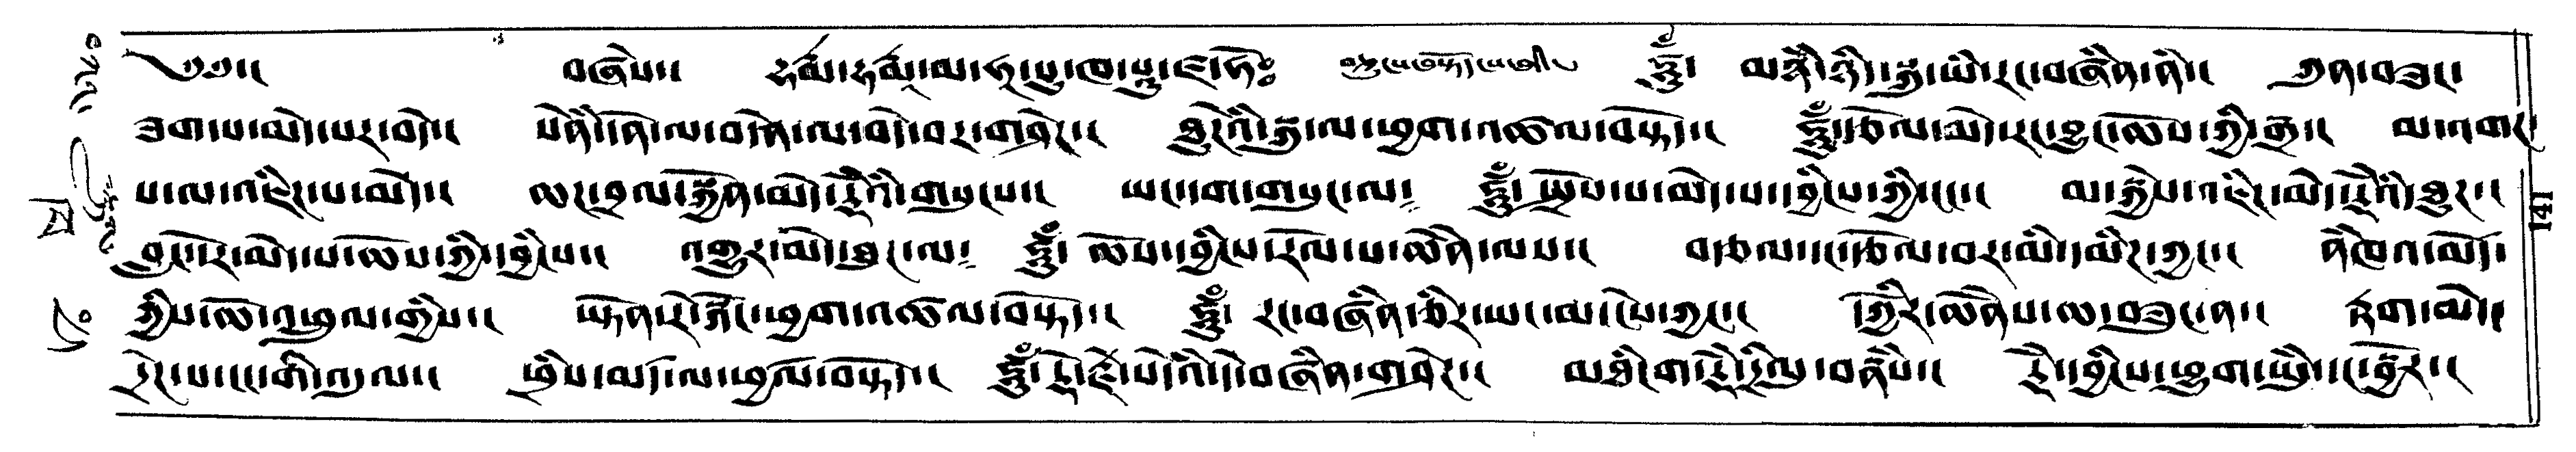བཞེས།། དྷརྨ་དྷརྨཱ་མ་ཧཱ་སུ་ཁ་པཱུ་ཛ་ཧོཿ བཅུ་པ་བསྟོད་པ་ནི། ཧཱུྃ། མཉམ་ཉིད་སྐུ་ཡི་རང་བཞིན་ནི། །ཀུན་བཟང་
ཟག་པ་མེད་པར་བདེ། །སེམས་ཅན་དོན་ལ་བདེ་བར་གཤེགས། །ཐུགས་རྗེའི་སྐུ་ལ་ཕྱག་འཚལ་བསྟོད། །ཧཱུྃ་རྩོལ་མེད་རང་བྱུང་ཆོས་ཀྱི་སྒྲ། །མ་འགགས་
པ་ལ་འཇིགས་པ་མེད། །ཆགས་བྲལ་སྐྱེ་མེད་རྡོ་རྗེའི་གསུང་། །ཡང་དག་གསུང་ལ༴ཧཱུྃ། སྤྲོས་པ་མེད་པ་དབྱིངས་ཀྱི་ངང་། །མ་སྐྱེས་འཇིགས་མེད་རྡོ་རྗེའི་ཐུགས། །
བླང་དོར་མེད་པ་ཆོས་ཀྱི་དབྱིངས། །འགྱུར་མེད་ཐུགས་ལ༴ ཧཱུྃ། ཆོས་དབྱིངས་རོལ་པ་ཆེན་པོ་ལས། །བརྩལ་དང་རྩོལ་བར་མི་དམིགས་ཀྱང་། །ནམ་མཁའ་མཛོད་
ཀྱིས་ཆོས་འཕྲུལ་གྱིས། །ཡོན་ཏན་རེ་སྐོང་ཕྱག་འཚལ་བསྟོད། ཧཱུྃ། རང་བཞིན་ཅིར་ཡང་མ་ངེས་ཀྱང་། །དཀྱིལ་འཁོར་ཆེན་པོས་ཆ་བཟུང་ན། །རྟོག་མེད་
དྲེགས་པ་ངང་གིས་འདུལ། །ཕྲིན་ལས་མཛད་ལ་ཕྱག་འཚལ་བསྟོད། །ཧཱུྃ། །རྡོ་རྗེ་སེམས་དཔའ་དེ་བཞིན་གཤེགས། །མཐིང་ག་རྡོ་རྗེ་དྲིལ་བུ་བསྣམས། །རྡོ་རྗེ་དབྱིངས་ཕྱུག་ཡུམ་དང་སྦྱོར།